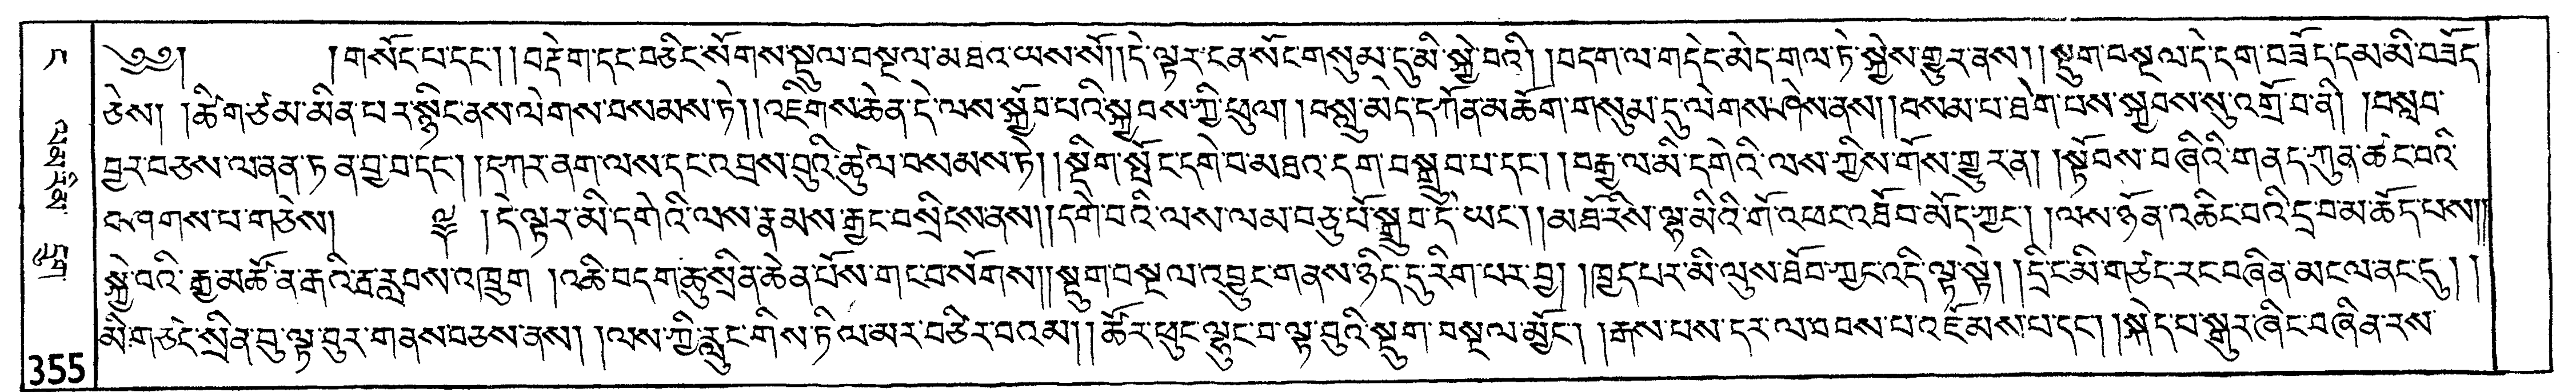༄༅། །གསོང་པ་དང་། །བརྡེག་དང་བཅིང་སོགས་སྡུལ་བསྔལ་མཐའ་ཡས་སོ། །དེ་ལྟར་ངན་སོང་གསུམ་དུ་མི་སྐྱེ་བའི། །བདག་ལ་གདེང་མེད་གལ་ཏེ་སྐྱེས་གྱུར་ནས། །སྡུག་བསྔལ་དེ་དག་བཟོད་དམ་མི་བཟོད་
ཅེས། །ཚིག་ཙམ་མིན་པར་སྙིང་ནས་ལེགས་བསམས་ཏེ། །འཇིགས་ཆེན་དེ་ལས་སྐྱོབ་པའི་སྐྱབས་ཀྱི་ཕུལ། །བསླུ་མེད་དཀོན་མཆོག་གསུམ་དུ་ལེགས་ཤེས་ནས། །བསམ་པ་ཐེག་པས་སྐྱབས་སུ་འགྲོ་བ་ནི། །བསླབ་
བྱར་བཅས་ལ་ནན་ཏན་བྱ་བ་དང་། །དཀར་ནག་ལས་དང་འབྲས་བུའི་ཚུལ་བསམས་ཏེ། །སྡིག་སྤོང་དགེ་བ་མཐའ་དག་བསྒྲུབ་པ་དང་། །བརྒྱ་ལ་མི་དགེའི་ལས་ཀྱིས་གོས་གྱུར་ན། །སྟོབས་བཞིའི་གནད་ཀུན་ཚང་བའི་
བཤགས་པ་གཅེས། ༈ །དེ་ལྟར་མི་དགེའི་ལས་རྣམས་རྒྱང་བསྲིངས་ནས། །དགེ་བའི་ལས་ལམ་བཅུ་པོ་སྒྲུབ་དེ་ཡང་། །མཐོ་རིས་ལྷ་མིའི་གོ་འཕང་འཐོབ་མོད་ཀྱང་། །ལས་ཉོན་འཆིང་བའི་དྲ་བ་མ་ཆོད་པས། །
སྐྱེ་བའི་རྒྱ་མཚོ་ན་རྒའི་རྦ་རླབས་འཁྲུག །འཆི་བདག་ཆུ་སྲིན་ཆེན་པོས་གང་བ་སོགས། །སྡུག་བསྔལ་འབྱུང་གནས་ཉིད་དུ་རིག་པར་བྱ། །ཁྱད་པར་མི་ལུས་ཐོབ་ཀྱང་འདི་ལྟ་སྟེ། །དྲི་ང་མི་གཙང་རང་བཞིན་མངལ་ནང་དུ། །
མི་གཙང་སྲིན་བུ་ལྟ་བུར་གནས་བཅས་ནས། །ལས་ཀྱི་རླུང་གིས་ཏིལ་མར་བཙིར་བའམ། །ཚོར་ཕུང་ལྷུང་བ་ལྟ་བུའི་སྡུག་བསྔལ་མྱོང་། །རྒས་པས་དར་ལ་བབས་པ་འཇོམས་པ་དང་། །སྐེད་པ་སྒུར་ཞིང་བཞིན་རས་